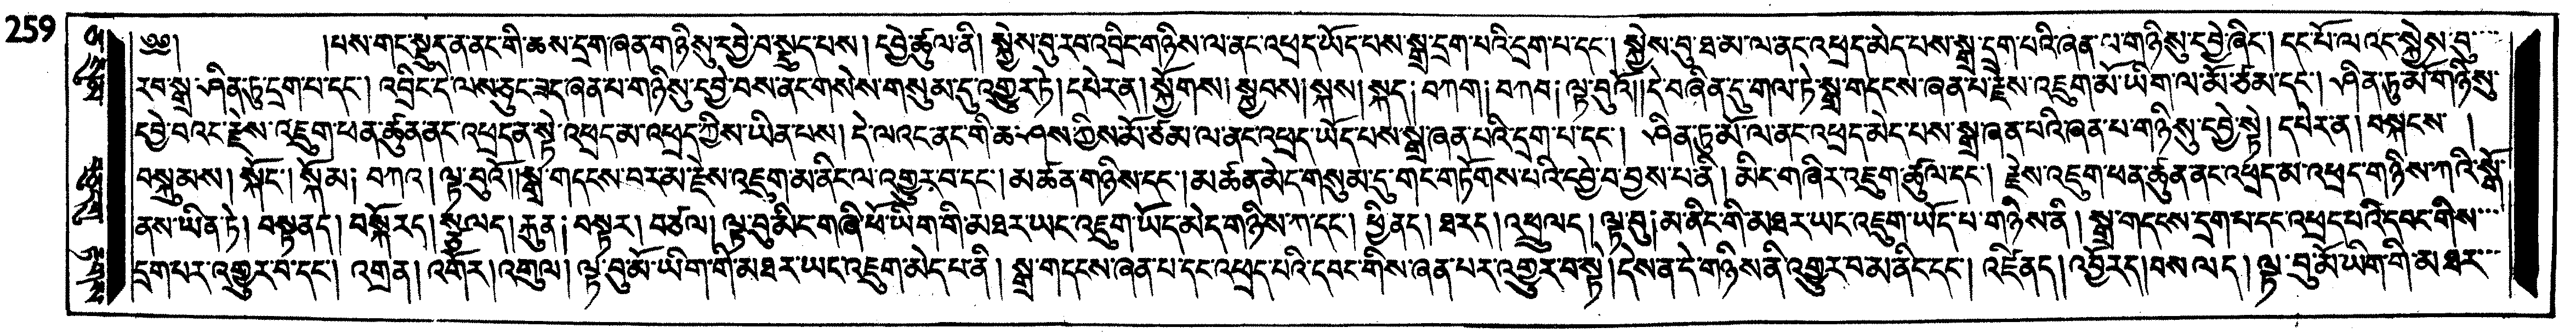༄༅། །པས་གང་སྡུད་ན་ནང་གི་ཆས་དྲག་ཞན་གཉིསུ་དབྱེ་བ་སྡུད་པས། དབྱེ་ཚུལ་ནི། སྐྱེས་བུ་རབ་འབྲིང་གཉིས་ལ་ནང་འཕྲད་ཡོད་པས་སྒྲ་དྲག་པའི་དྲག་པ་དང་། སྐྱེས་བུ་ཐ་མ་ལ་ནང་འཕྲད་མེད་པས་སྒྲ་དྲུག་པའི་ཞན་ལ་གཉི་སུ་དབྱེ་ཞིང་། དང་པོ་ལའང་སྐྱེས་བུ་
རབ་སྒྲ་ཤིན་ཏུ་དྲག་པ་དང་། འབྲིང་དེ་ལས་ཅུང་ཟད་ཞན་པ་གཉི་སུ་དབྱེ་བས་ནང་གསེས་གསུམ་དུ་འགྱུར་ཏེ། དཔེར་ན། སྐྱོགས། སྐྱབས། སྐས། སྐད། བཀབ། ལྟ་བུའོ། །དེ་བཞིན་དུ་གལ་ཏེ་སྒྲ་གདངས་ཞན་པ་རྗེས་འཇུག་མོ་ཡིག་ལ་མོ་ཙམ་དང་། ཤིན་ཏུ་མོ་གཉིསུ་
དབྱེ་བའང་རྗེས་འཇུག་ཕན་ཚུན་ནང་འཕྲད་ན་སྟེ་འཕྲད་མ་འཕྲད་ཀྱིས་ཡིན་པས། དེ་ལའང་ནང་གི་ཆ་ཤས་ཀྱིས་མོ་ཙམ་ལ་ནང་འཕྲད་ཡོད་པས་སྒྲ་ཞན་པའི་དྲག་པ་དང་། ཤིན་ཏུ་མོ་ལ་ནང་འཕྲད་མེད་པས་སྒྲ་ཞན་པའི་ཞན་པ་གཉིསུ་དབྱེ་སྟེ། དཔེར་ན། བསྐངས་།
བསྐུམས། སྐོང་། སྐོམ། བཀའ། ལྟ་བུའོ། །སྒྲ་གདངས་བར་མ་རྗེས་འཇུག་མ་ནིང་ལ་འགྱུར་བ་དང་། མཚན་གཉིས་དང་། མཚན་མེད་གསུམ་དུ་གང་གཏོགས་པའི་དབྱེ་བ་བྱས་པ་ནི། མིང་གཞིར་འཇུག་ཚུལ་དང་། རྗེས་འཇུག་ཕན་ཚུན་ནང་འཕྲད་མ་འཕྲད་གཉིས་ཀའི་སྒོ་
ནས་ཡིན་ཏེ། བསྟནྡ། བསྐོརྡ། སྩལྡ། རྐུན། བསྟར། བཙལ། ལྟ་བུ་མིང་གཞི་ཕོ་ཡིག་གི་མཐར་ཡང་འཇུག་ཡོད་མེད་གཉིས་ཀ་དང་། ཕྱི་ནད། ཐརྡ། འཕྲུལྡ། ལྟ་བུ་མ་ནིང་གི་མཐར་ཡང་འཇུག་ཡོད་པ་གཉིས་ནི། སྒྲ་གདངས་དྲག་པ་དང་འཕྲད་པའི་དབང་གིས་
དྲག་པར་འགྱུར་བ་དང་། འགྲན། འགོར། འགུལ། ལྟ་བུ་མོ་ཡིག་གི་མཐར་ཡང་འཇུག་མེད་པ་ནི། སྒྲ་གདངས་ཞན་པ་དང་འཕྲད་པའི་དབང་གིས་ཞན་པར་འགྱུར་བ་སྟེ། དེས་ན་དེ་གཉིས་ནི་འགྱུར་བ་མ་ནིང་དང་། འཛིནྡ། འབྱོརྡ། བསལྡ། ལྟ་བུ་མོ་ཡིག་གི་མཐར་